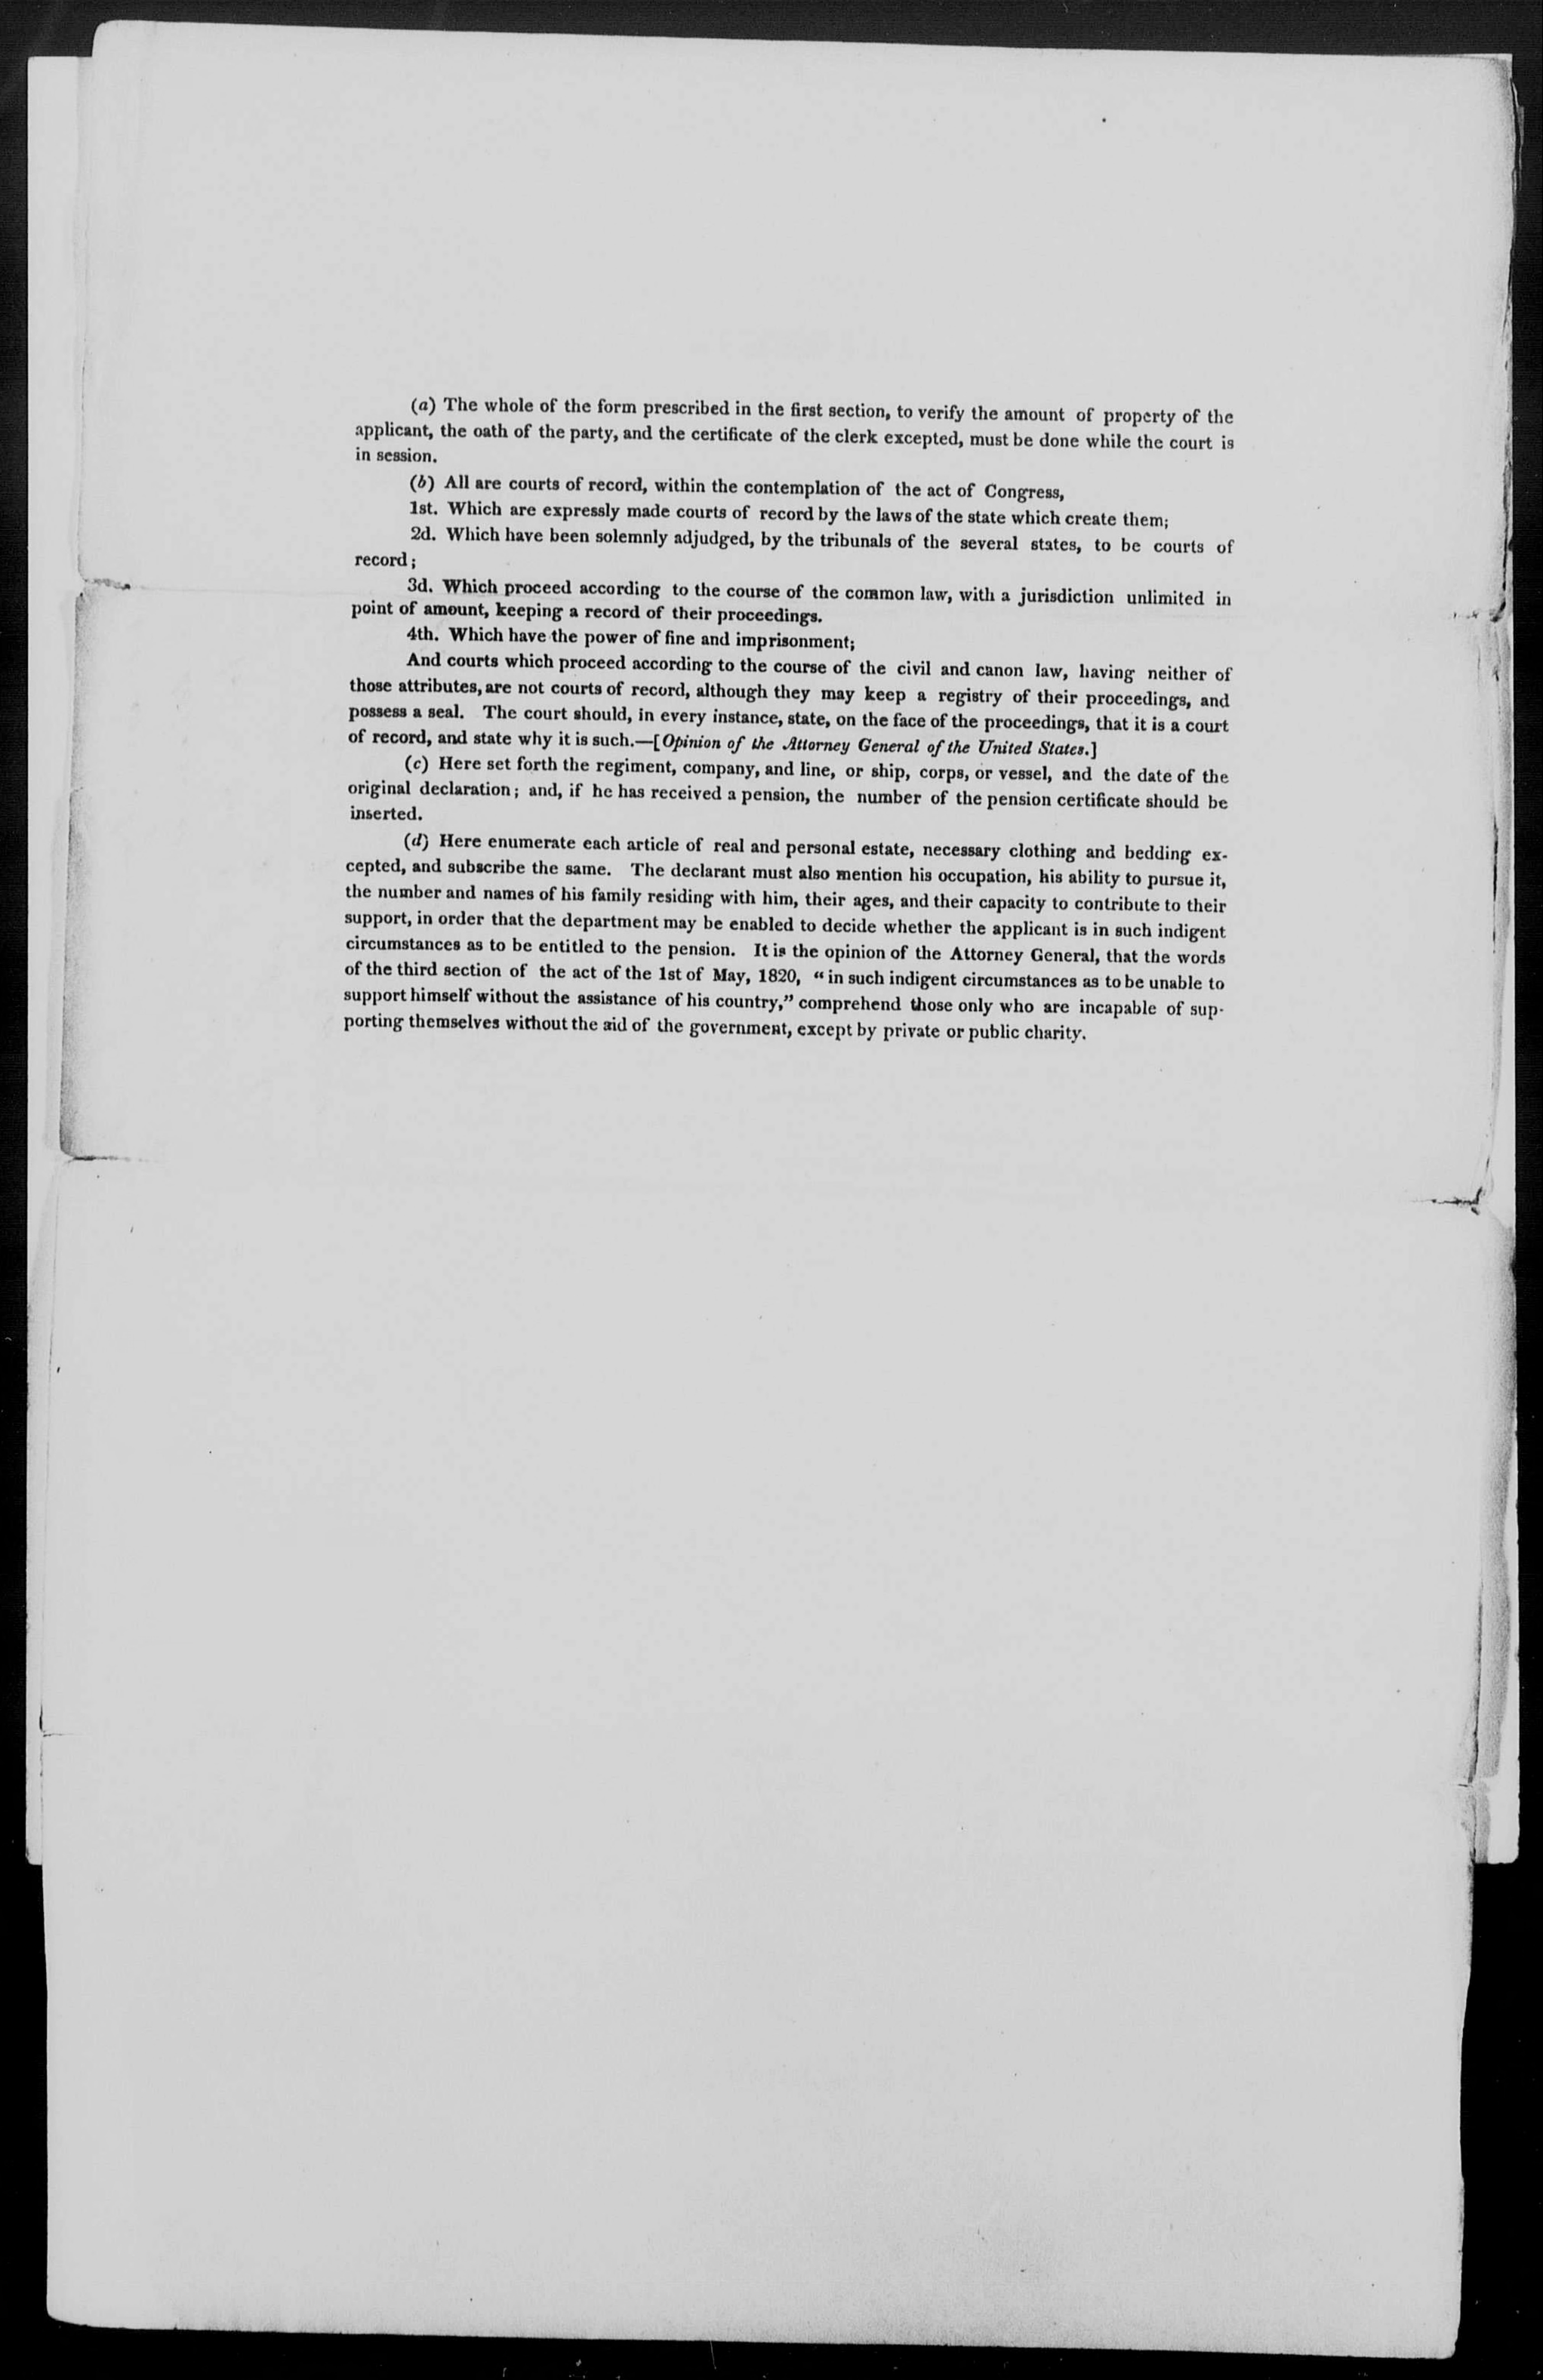( a ) The whole of the form prescribed in the first section, to verify the amount of property of the applicant, the oath of the party, and the certificate of the clerk excepted, must be done while the court is in session.
( 6 ) All are courts of record, within the contemplation of the act of Congress,
1st. Which are expressly made courts of record by the laws of the state which create them;
2d. Which have been solemnly adjudged, by the tribunals of the several states, to be courts of record;
3d. Which proceed according to the course of the common law, with a jurisdiction unlimited in
point of amount, keeping a record of their proceedings.
4th. Which have the power of fine and imprisonment; And courts which proceed according to the course of the civil and canon law, having neither of those attributes, are not courts of record, although they may keep a registry of their proceedings, and possess a seal. The court should, in every instance, state, on the face of the proceedings, that it is a court
of record, and state why it is such. - (Opinion of the Attorney General of the United State)
( c ) Here set forth the regiment, company, and line, or ship, corps, or vessel, and the date of the original declaration; and, if he has received a pension, the number of the pension certificate should be inserted.
(d) Here enumerate each article of real and personal estate, necessary clothing and bedding excepted, and subscribe the same. The declarant must also mention his occupation, his ability to pursue it, the number and names of his family residing with him, their ages, and their capacity to contribute to their support, in order that the department may be enabled to decide whether the applicant is in such indigent circumstances as to be entitled to the pension. It is the opinion of the Attorney General, that the words of the third section of the act of the 1st of May, 1820, ""in such indigent circumstances as to be unable to support himself without the assistance of his country," comprehend those only who are incapable of supporting themselves without the aid of the government, except by private or public charity.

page: 8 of 50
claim: widow's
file: W. 8559, Ebenezer Ayer, Continental (Conn)